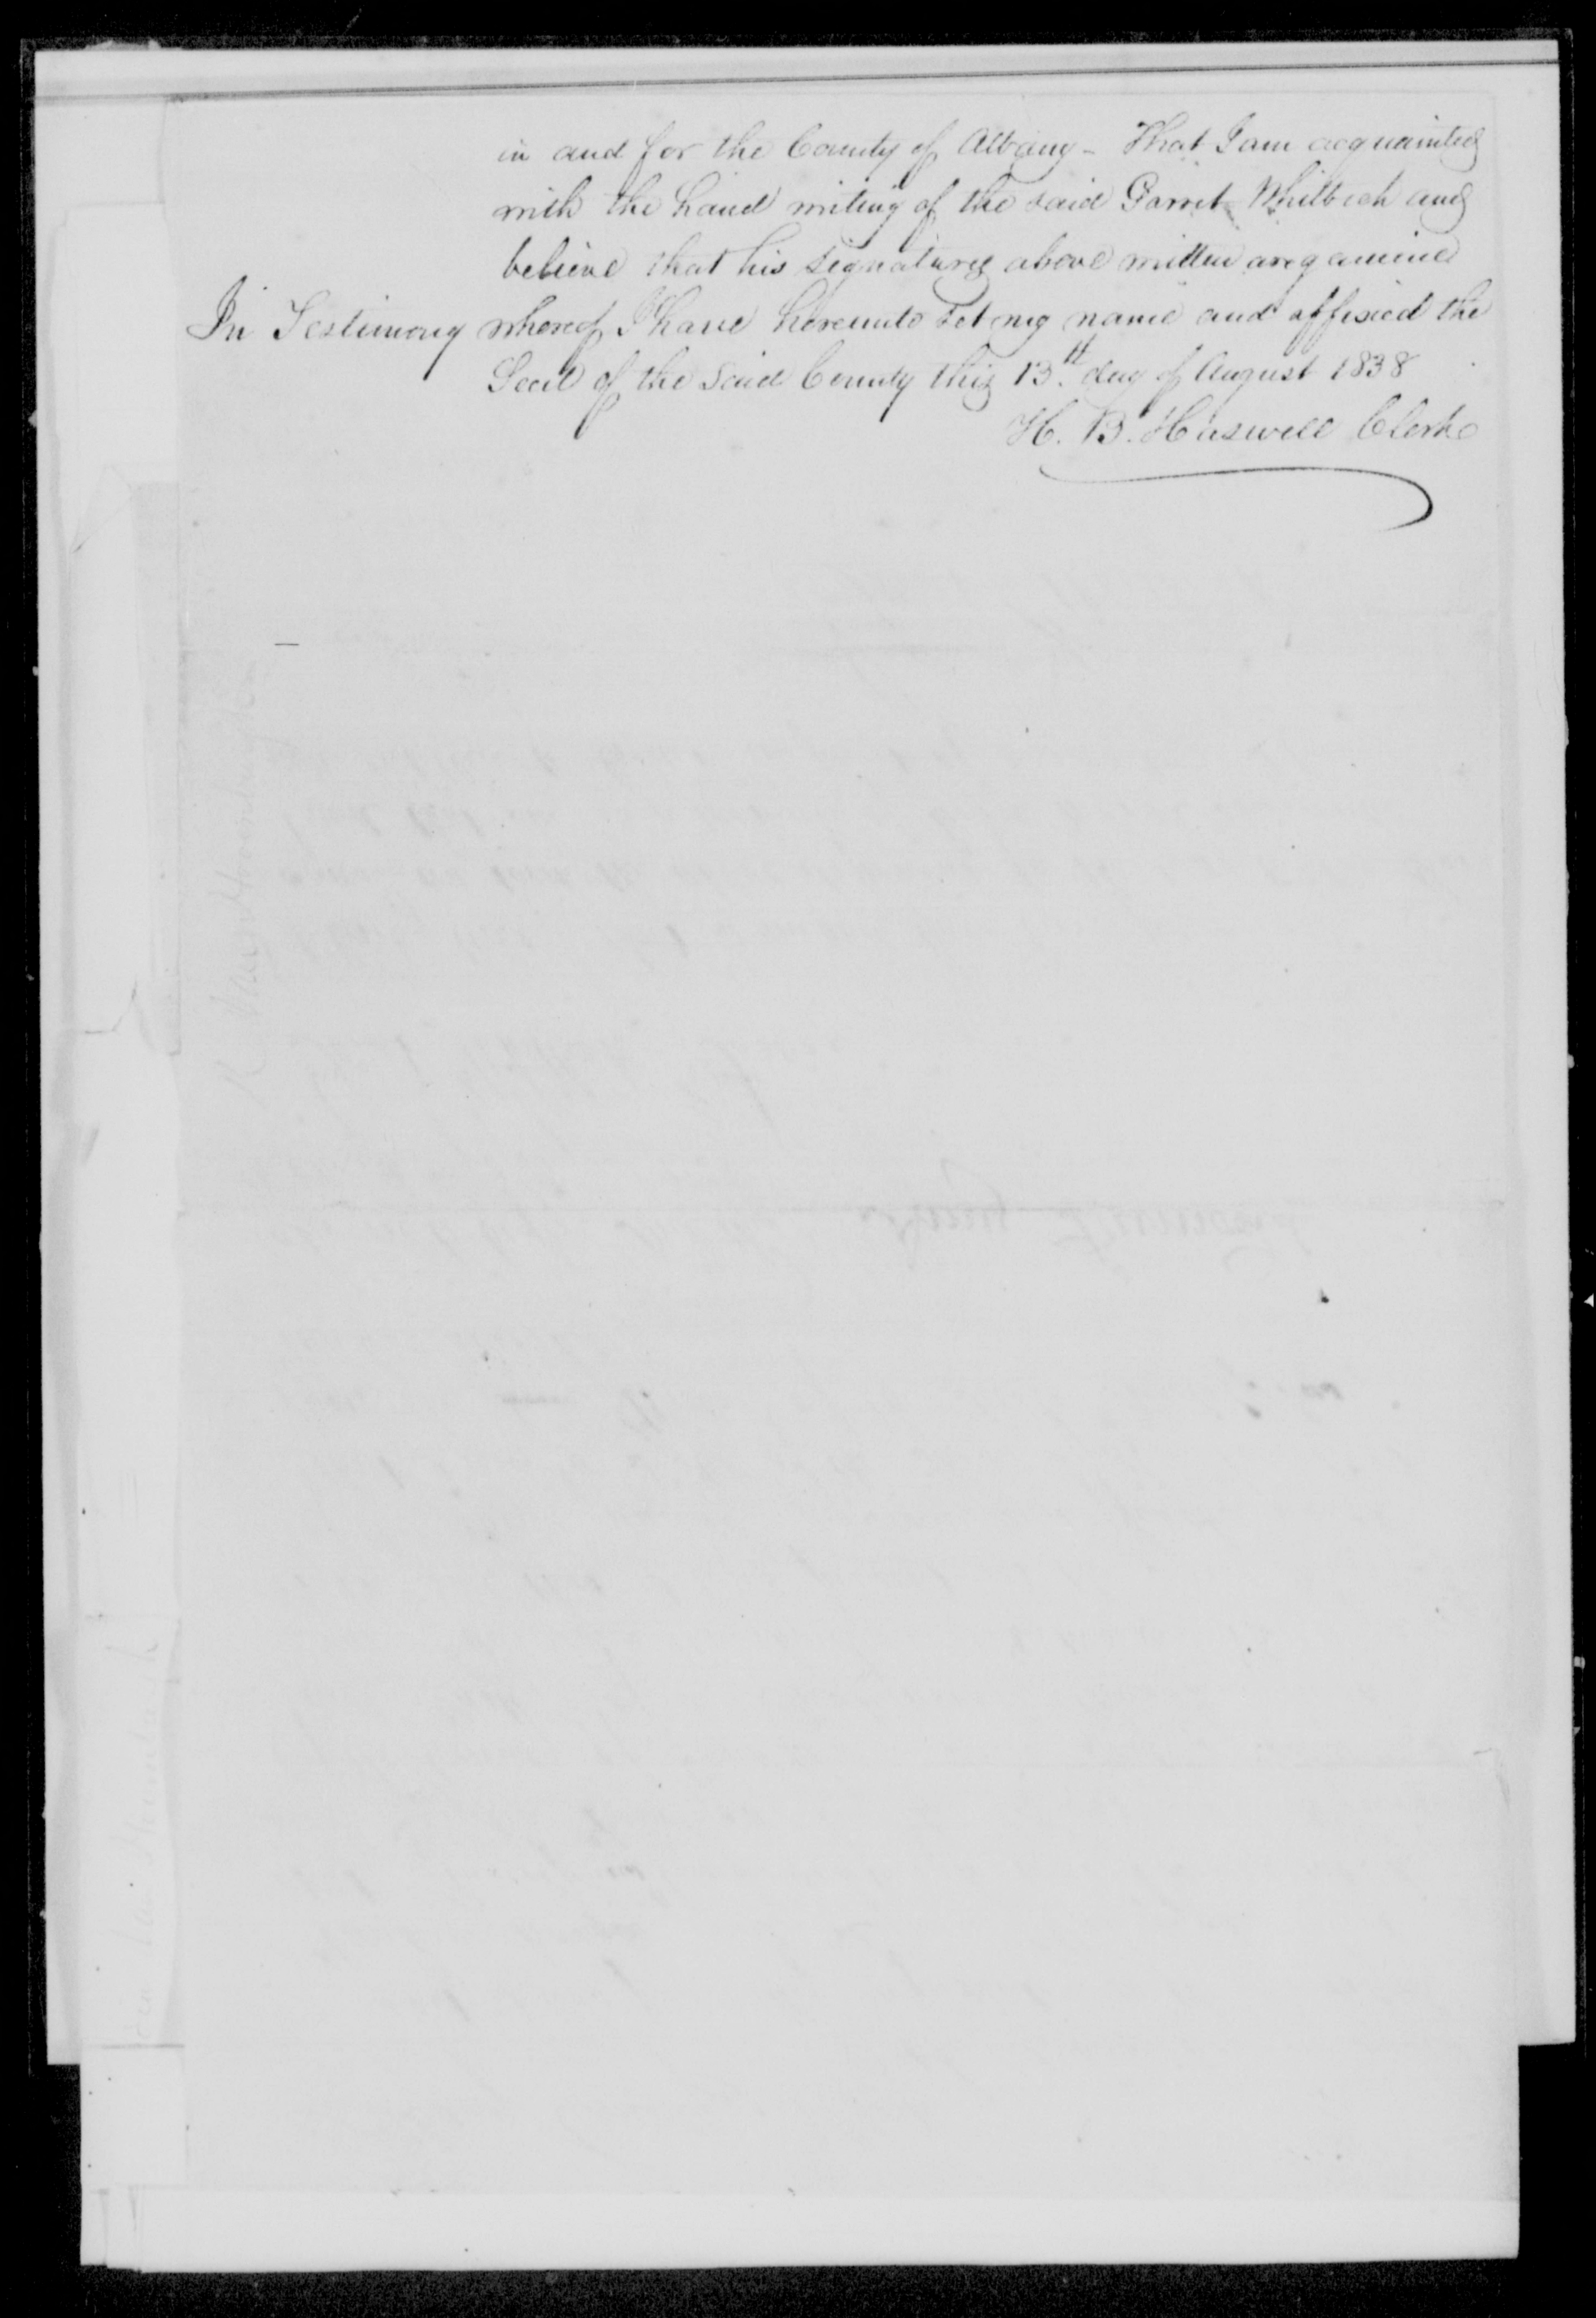In Testimony
in and for the County of Albany - That I am acquainted with the hand writing of the said Garret Whitbeck and believe that his signature above written are genuine whereof I have hereunto set my name and affixed the Seal of the said County this 13th day of August 1838
H. B. Haswell Clerk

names: Garret Whitbeck, H B Haswell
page: 7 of 38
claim: widow's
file: W. 23324, Rudolphus Van Hoevenbergh, New York